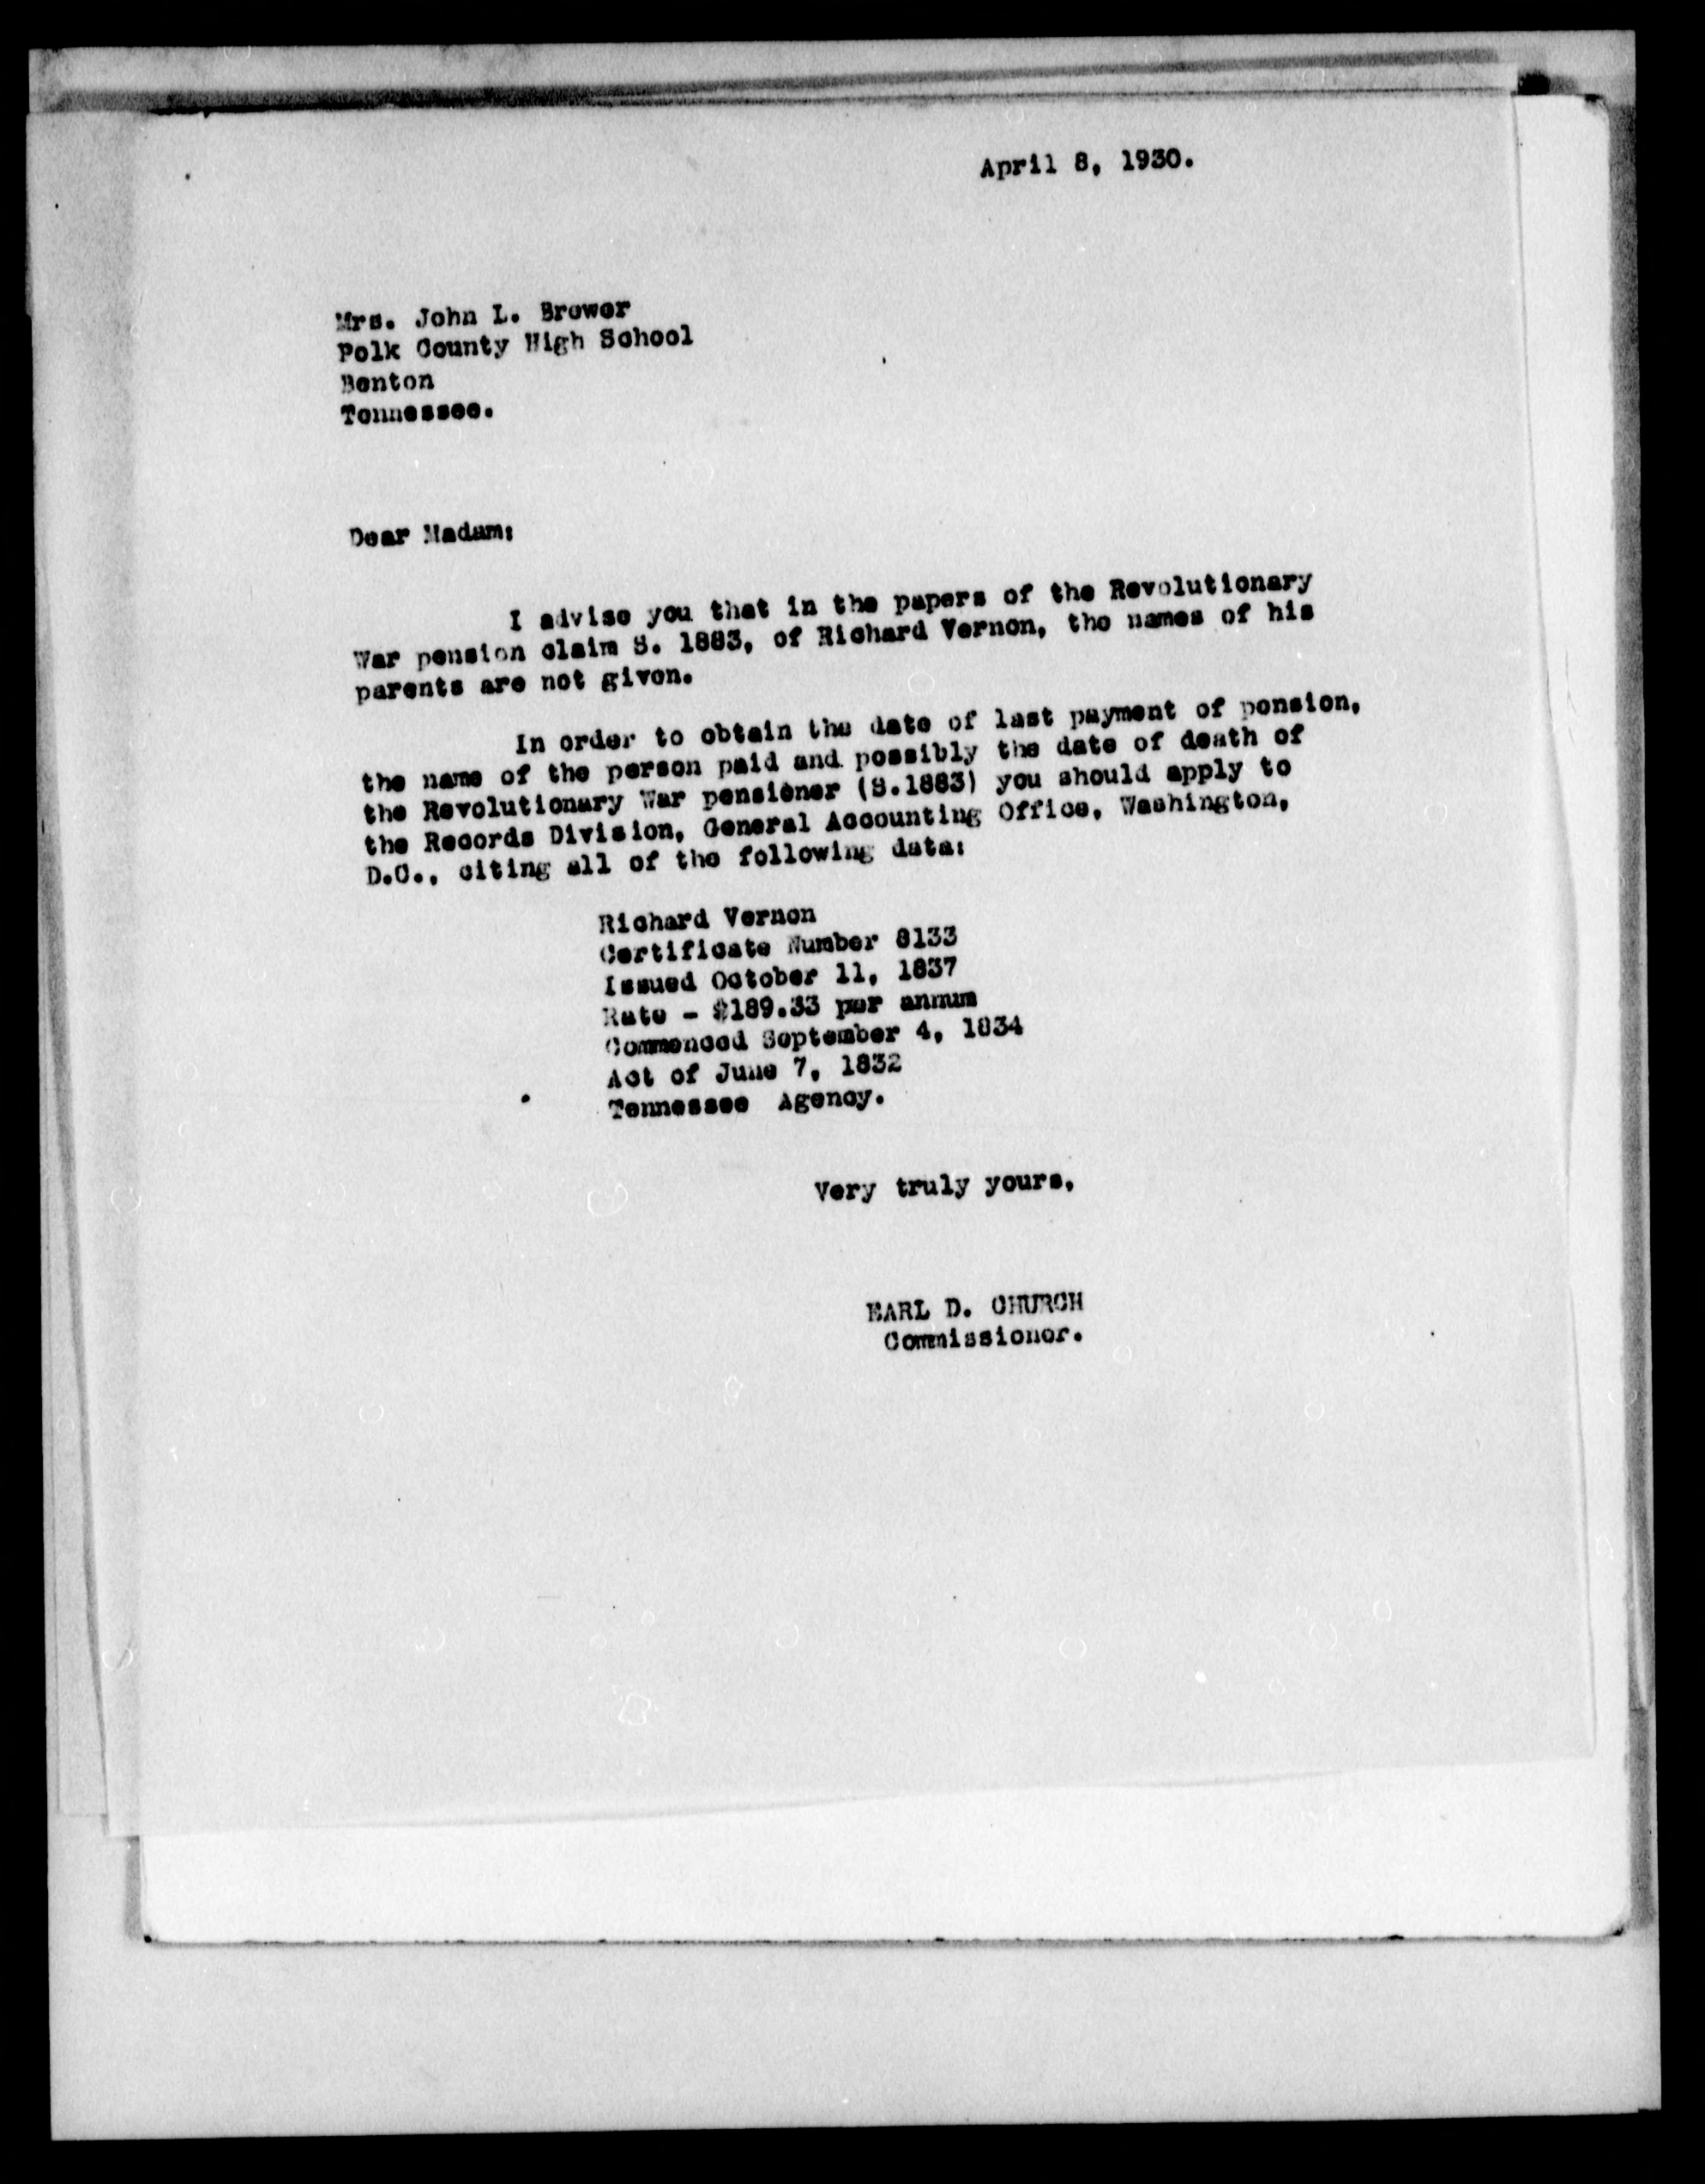April 8, 1930.
Mrs. John L. Brewer
Polk County High School
Benton
Tennessee
Dear Madam:
I advise you that in the papers of the Revolutionary War pension claim S.1883, of Richard Vernon, the names of his parents are not given.
In order to obtain the date of last payment of pension the name of the person paid and possibly the date of death of the Revolutionary War pensioner (S.1883) you should apply to the Records Division, General Accounting Office, Washington, D. C.  citing all of the following data:
Richard Vernon
Certificate Number 8133
Rate - $189.33 per annum
Commenced September 4, 1834
Act of June 7, 1832
Tennessee Agency.
Very truly yours,
EARL. D. CHURCH
Commissioner.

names: John L Brewer, Richard Vernon, Richard Vernon, Earl D Church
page: 86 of 105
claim: survivor's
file: S. 1883, Richard Vernon, N.C.